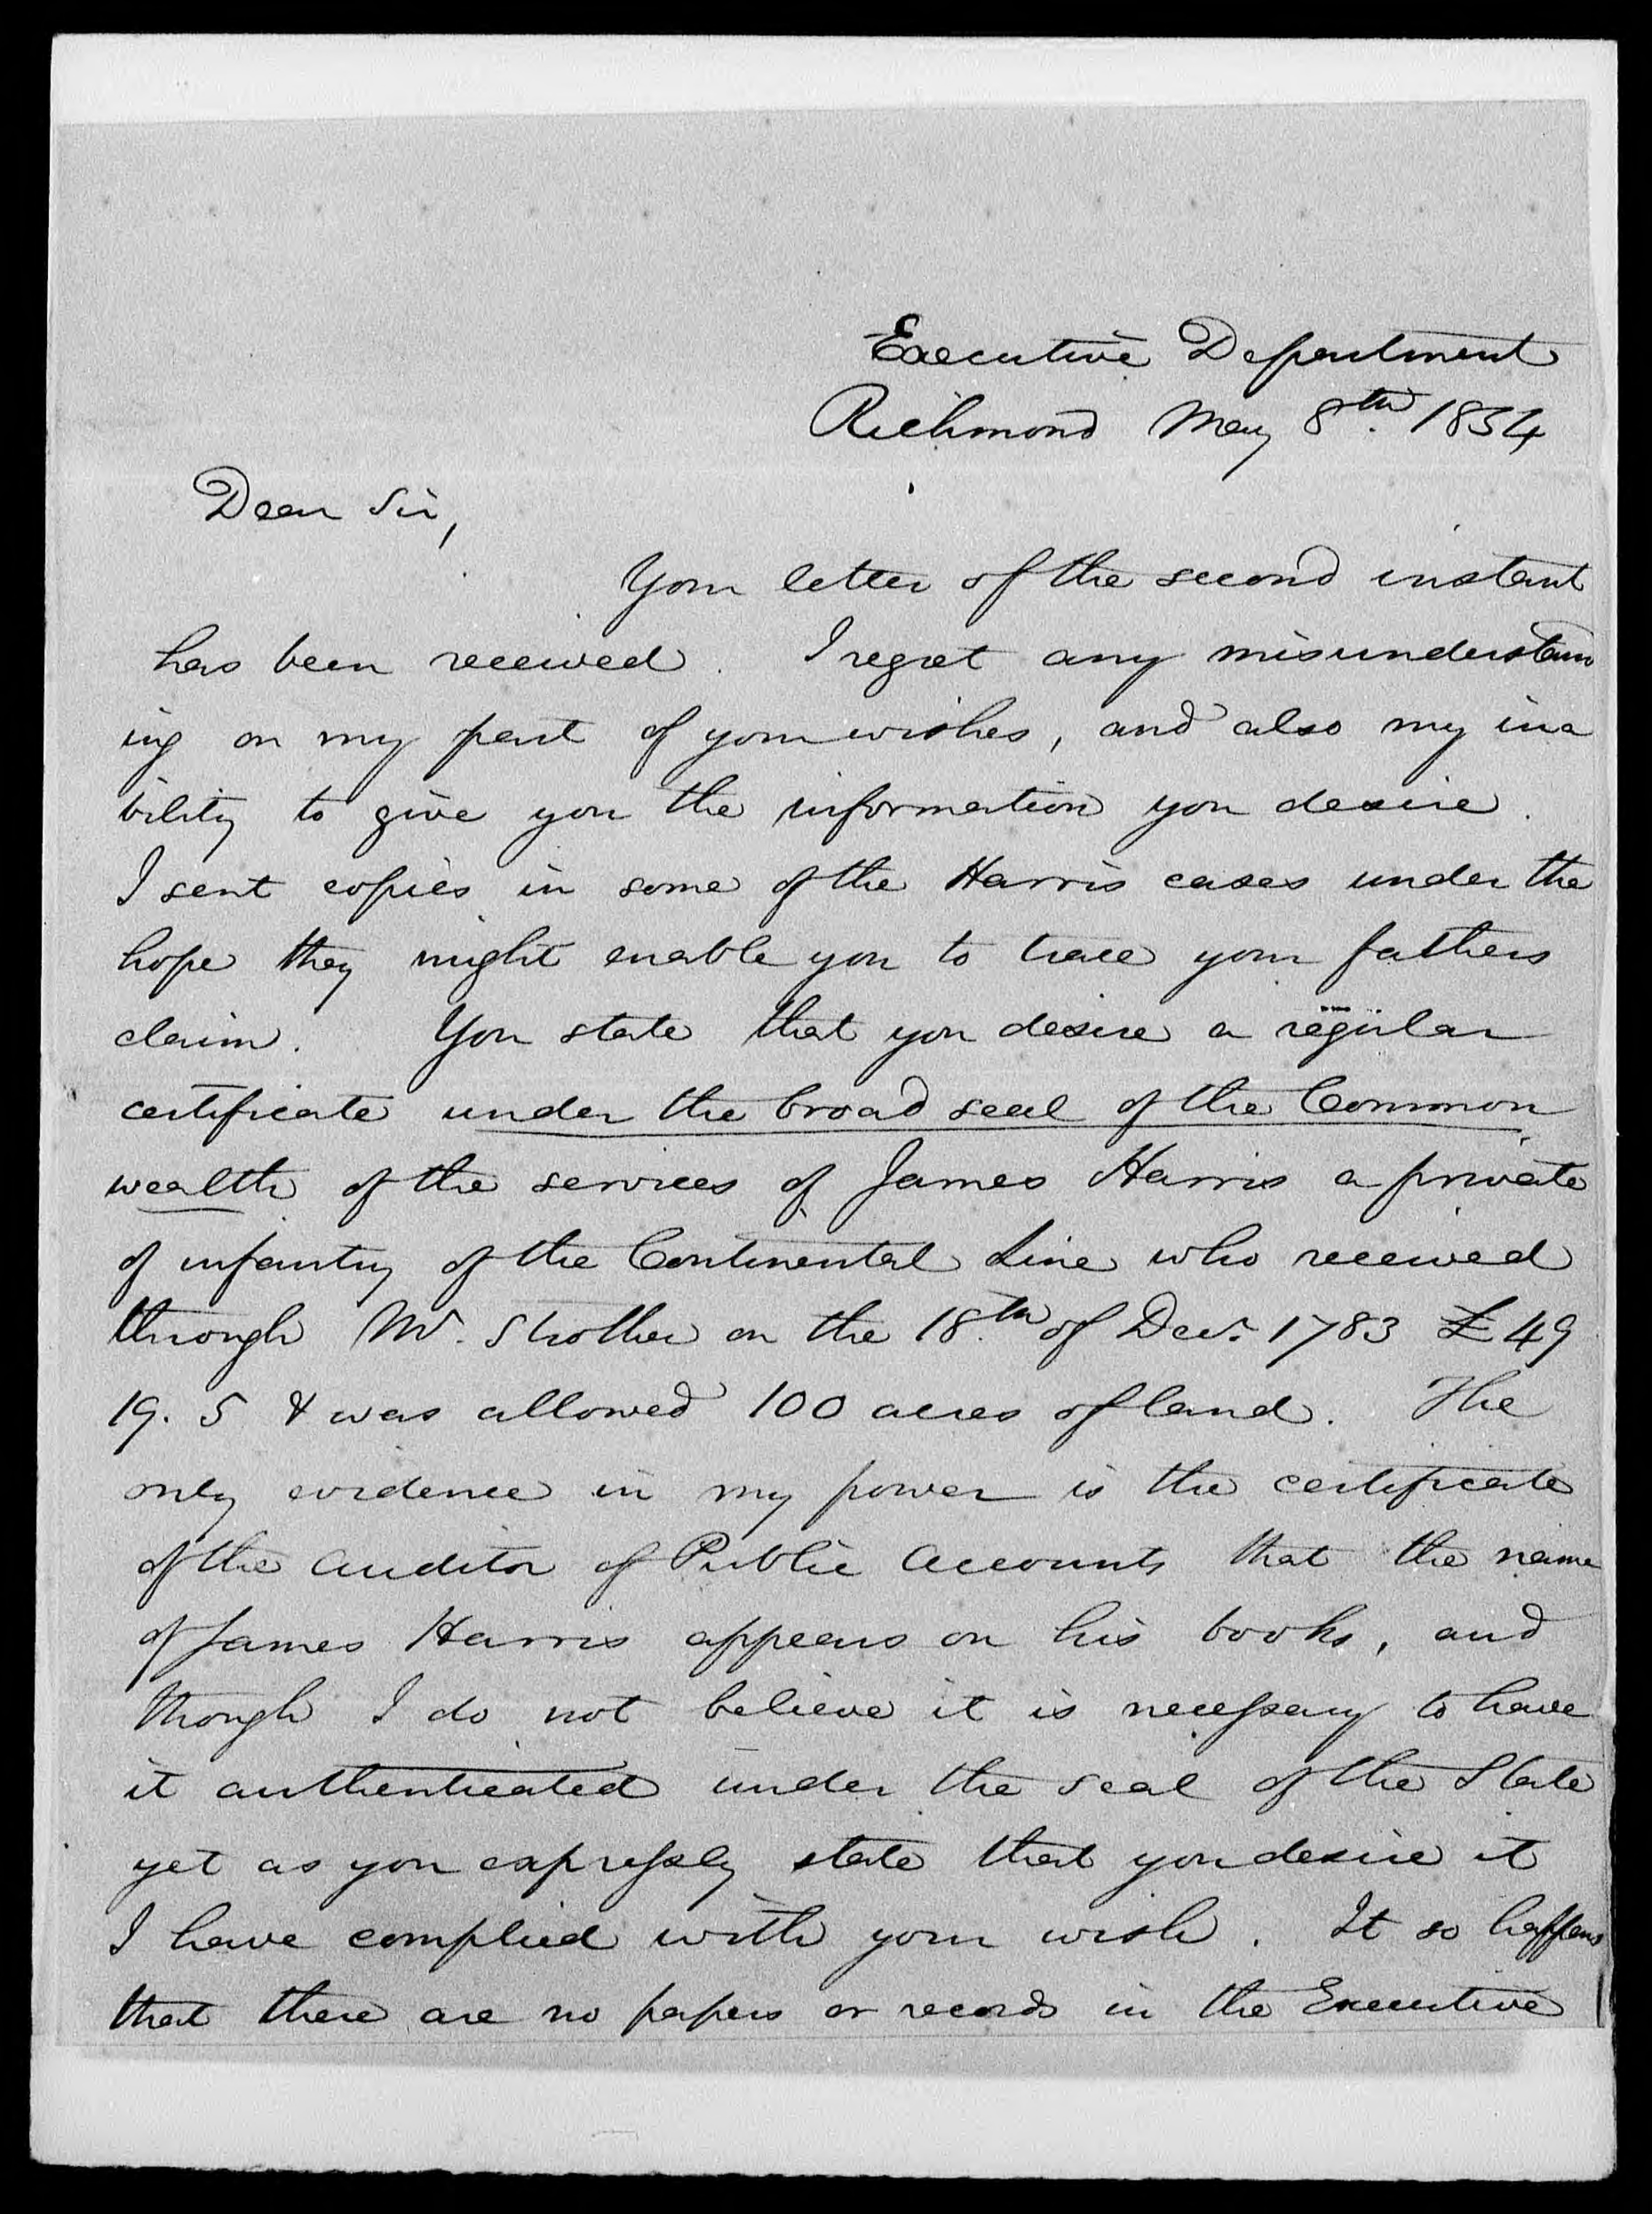Executive Department
Richmond May 8th, 1834

Dear Sir,

     Your letter of the second instant has been received.  I regret any misunderstanding on my part of your wishes, and also my inability to give you the information you desire.  I sent copies in some of the Harris cases under the hope they might enable you to trace your fathers claim.  You state that you desire a regular certificate under the broad seal of the Commonwealth of the services of James Harris a private of infantry of the Continental Line who received through Mr. Strother on the 18th of Dec. 1783 L49 19.5 & was allowed 100 acres of land.  The only evidence in my power is the certificate of the auditor of Public Accounts that the name of James Harris appears on his books, and though I do not believe it is necessary to have it authenticated under the seal of the State yet as you expressly state that you desire it I have complied with your wish.  It so happens that there are no papers on record in the Executive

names: James Harris, Strother, James Harris, Harris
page: 155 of 160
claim: rejected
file: R. 4666, James Harris, Va.